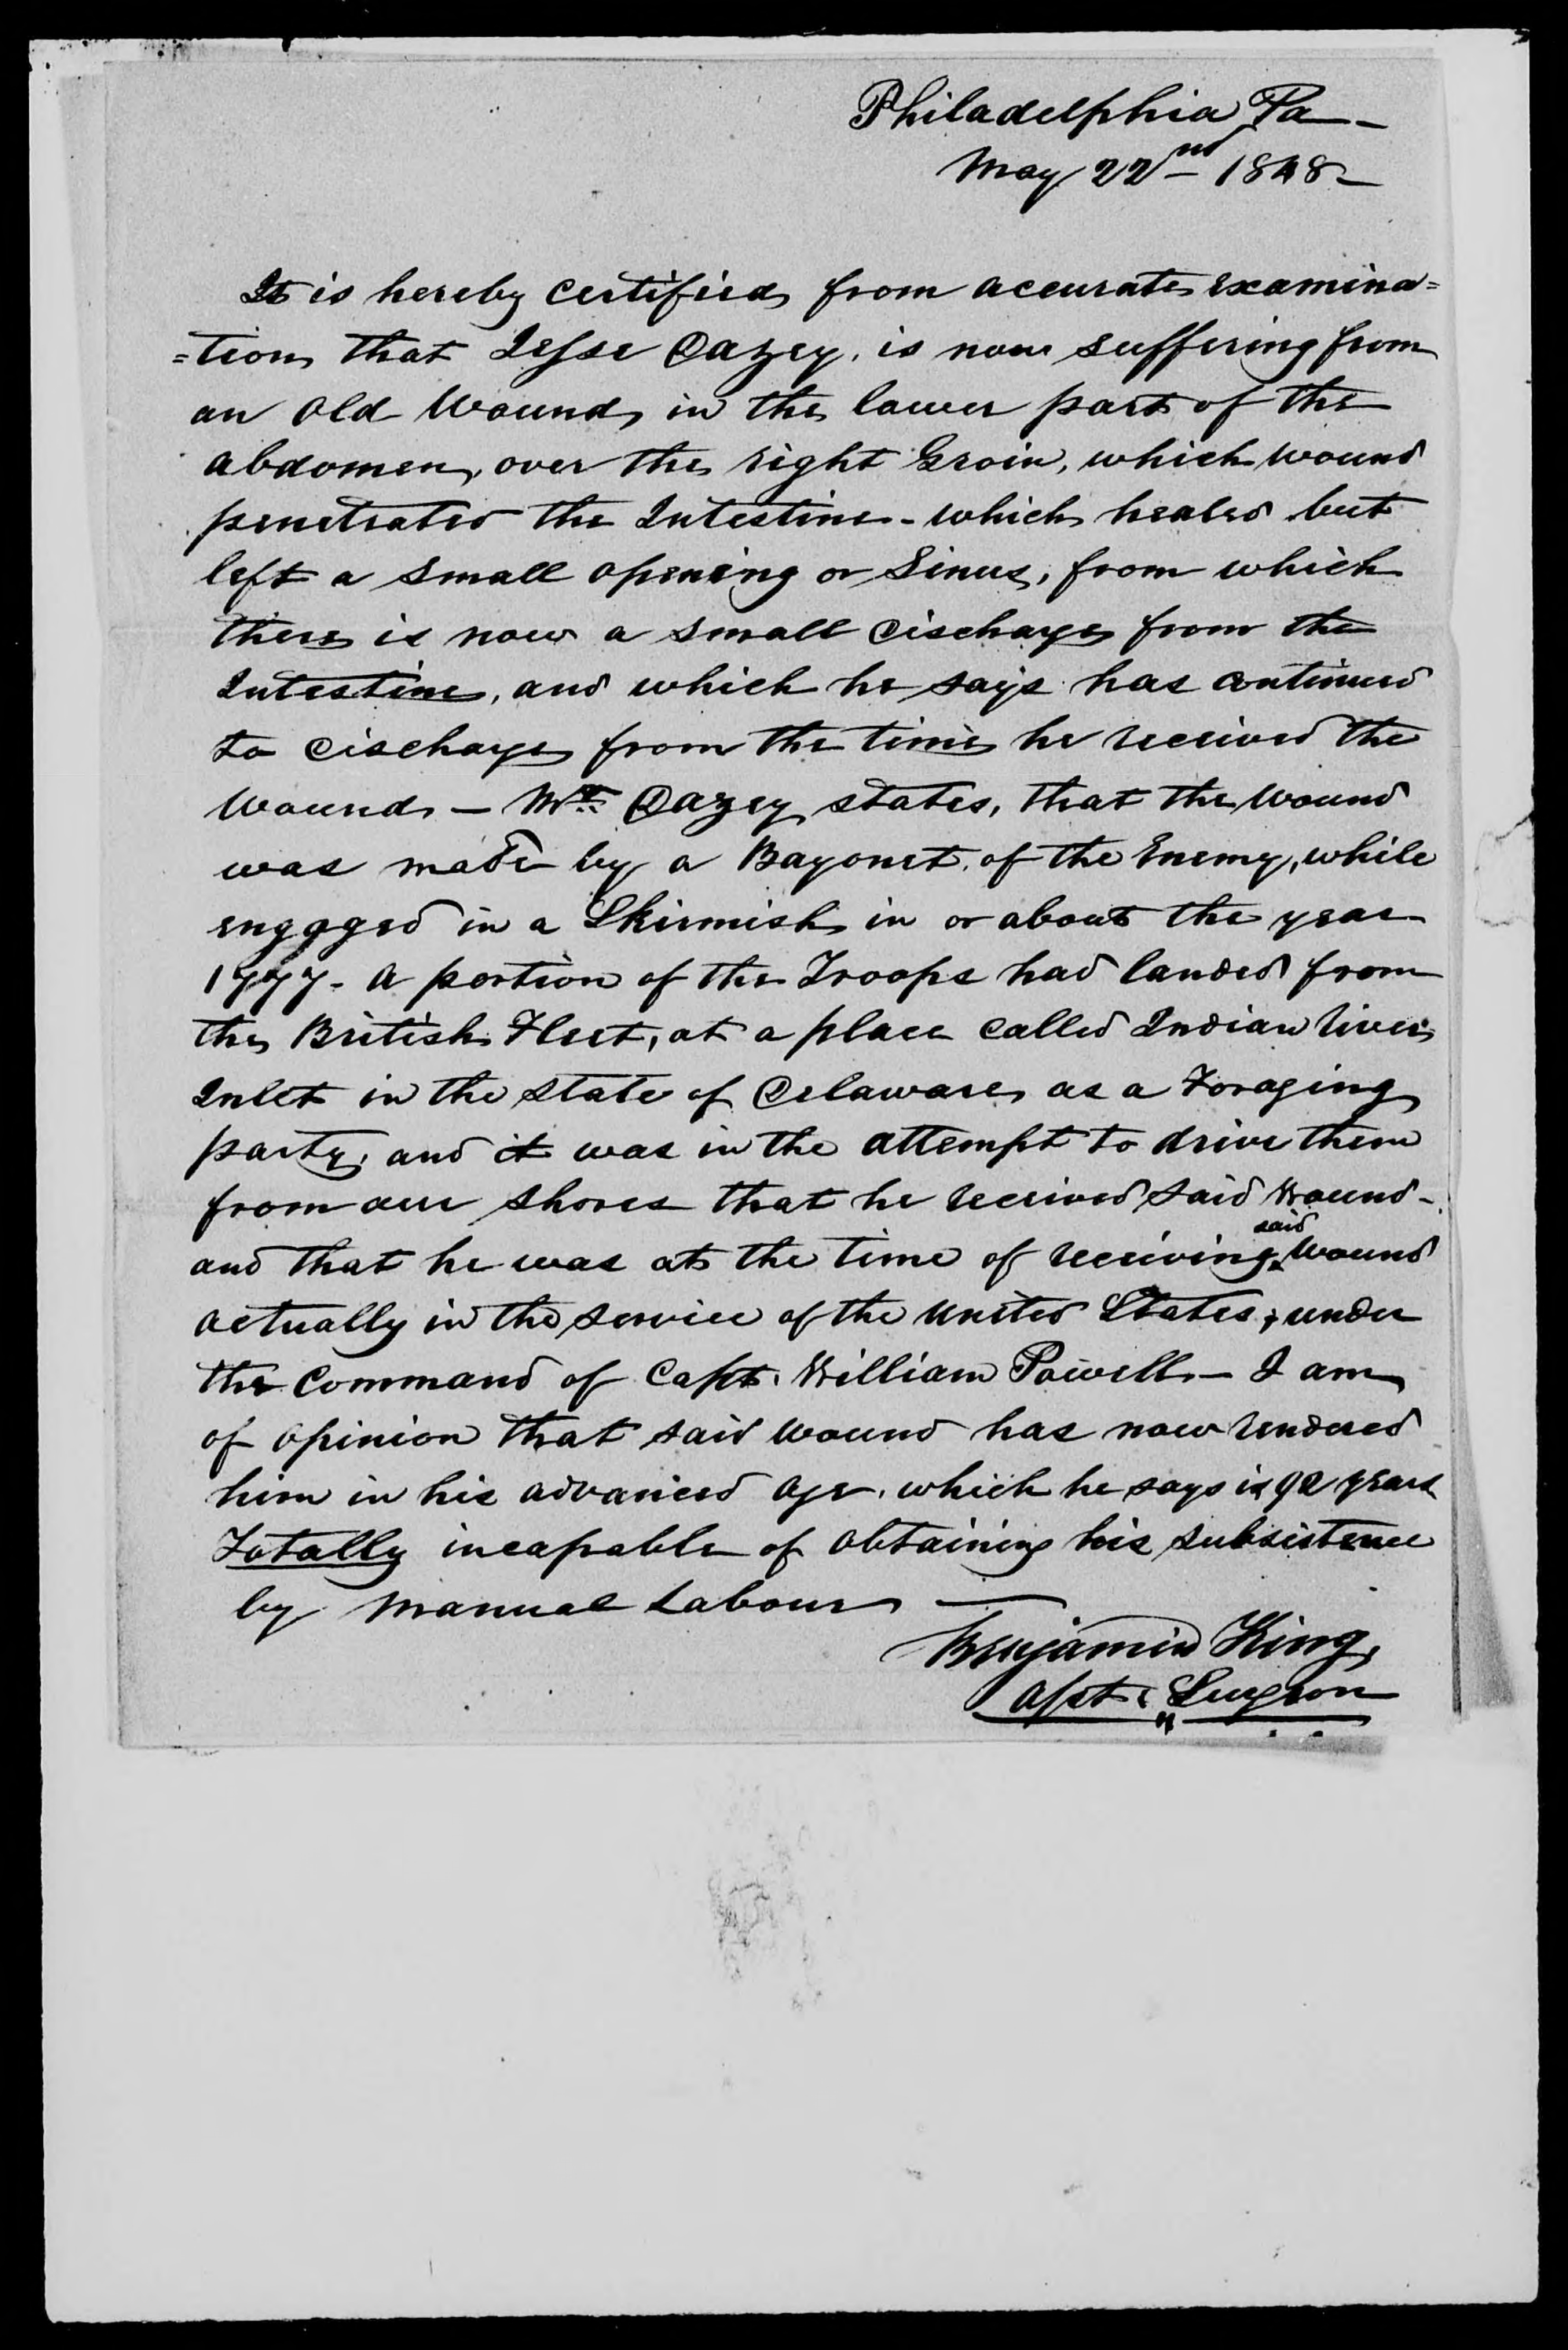Philadelphia, Pa
May 22nd, 1848
It is hereby certified from accurate examination that Jesse Dazey is now suffering from an old wound, in the lower parts of the abdomen, over the right groin, which wound punctures the Intestines, which healed but left a small opening or Sinus, from which there is now a small discharge from the Intestines, and which he says has continued to discharge from the time he received the wound. Mr. Dazey states that the wound was made by a Bayonet of the Enemy, while engaged in a skirmish in or about the year 1777. A portion of the Troops had landed from the British Fleet, at a place called Indiana Wives' Inlet in the state of Delaware, as a foraging party, and it was in the attempt to drive them from our shores that he received said wound and that he was at the time of receiving said wound actually in the service of the United States, under the Command of Capt. William Powell. I am of opinion that said wound has now undered him in his advanced age, which he says [illegible] totally incapable of obtaining his subsistence by Manual Labours. 
Benjamin King
[Illegible]& Surgeon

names: William Powell, Jesse Dazey, Benjamin King, Dazey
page: 11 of 32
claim: rejected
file: R. 2795, Jesse Dazey, Del.